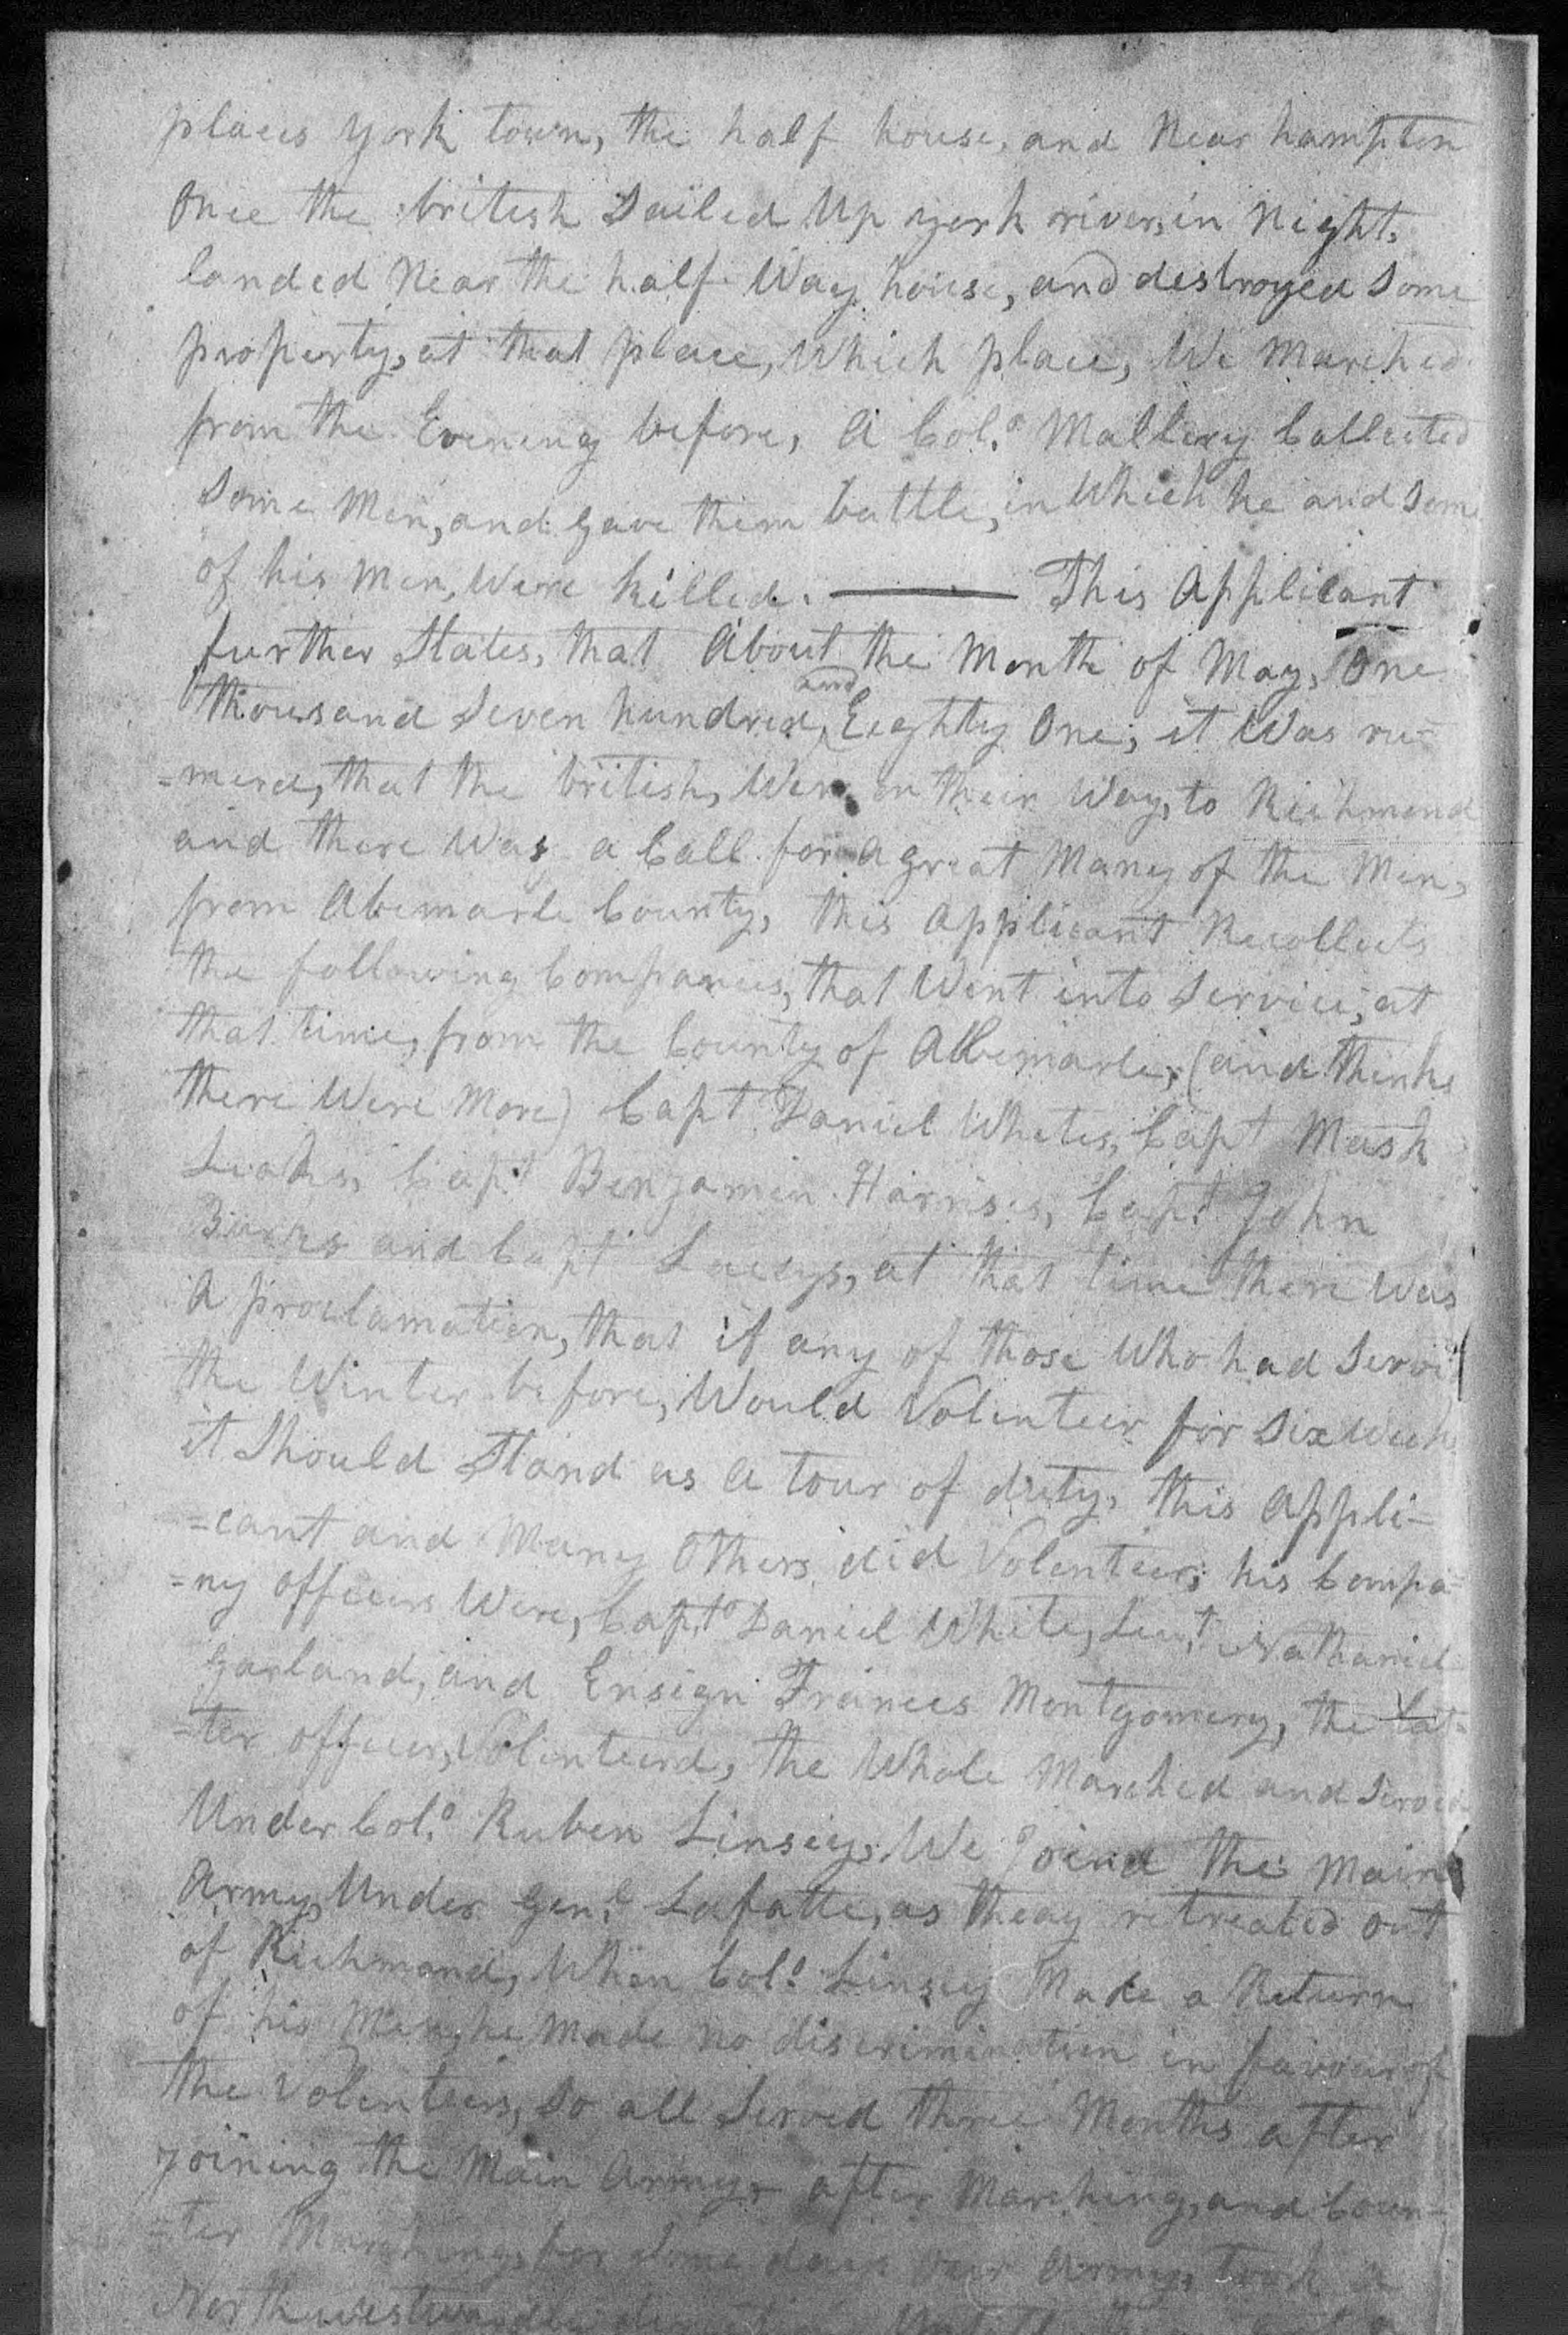places York town, the half house, and near Hampton once the british sailed up York rivers in night, landed near the half way house, and destroyed some property, at that place, which place, we marched from the evening before, a Colo Mallery collected some men, and gave them battle, in which he and I am of his men, were killed._ This applicant further states, that about the month of May, one thousand seven hundred ^and eighty one; it was rumerd(sic), that the british, were on their way, to Richmond and there was a call for a great many of the men, from Abimarle(sic) County, this applicant recollects the following companies, that went into service, at that time, from the County of Albemarle(sic) (and thinks there were more) Capt Daniel Whites, Capt Mask Leakes, Capt Benjamin Harrisis(sic), Capt John Burks and Capt [illegible], at that time then was a proclamation, that if any of those who had served the winter before, would volunteer for six week it should stand as a tour of duty, this applicant and many others did volunteer, his company officers were, Capt Daniel White, Liut Nathaniel Garland, and Ensign Francis Montgomery, the latter officers, volinteerd(sic), the whole marched and served under Colo Ruben Linsey, We joind(sic) the main army, under Gen.l Lafatte(sic), as theay(sic) retreated out of Richmond, When Colo Linsey made a return of his men, he made no discrimination in favour of the volinteers(sic), so all served three months after joining the main army, after marching, and counter marching, for some days our army, took a Northwestern [illegible]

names: Frances Montgomery, John Buster, Nathaniel Garland, Daniel White, Lafatte, Ruben Linsey, Mask Leake, Mallody, Daniel Whites, Benjamin Harris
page: 6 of 71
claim: widow's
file: W. 25310, Claudius Buster, Va.